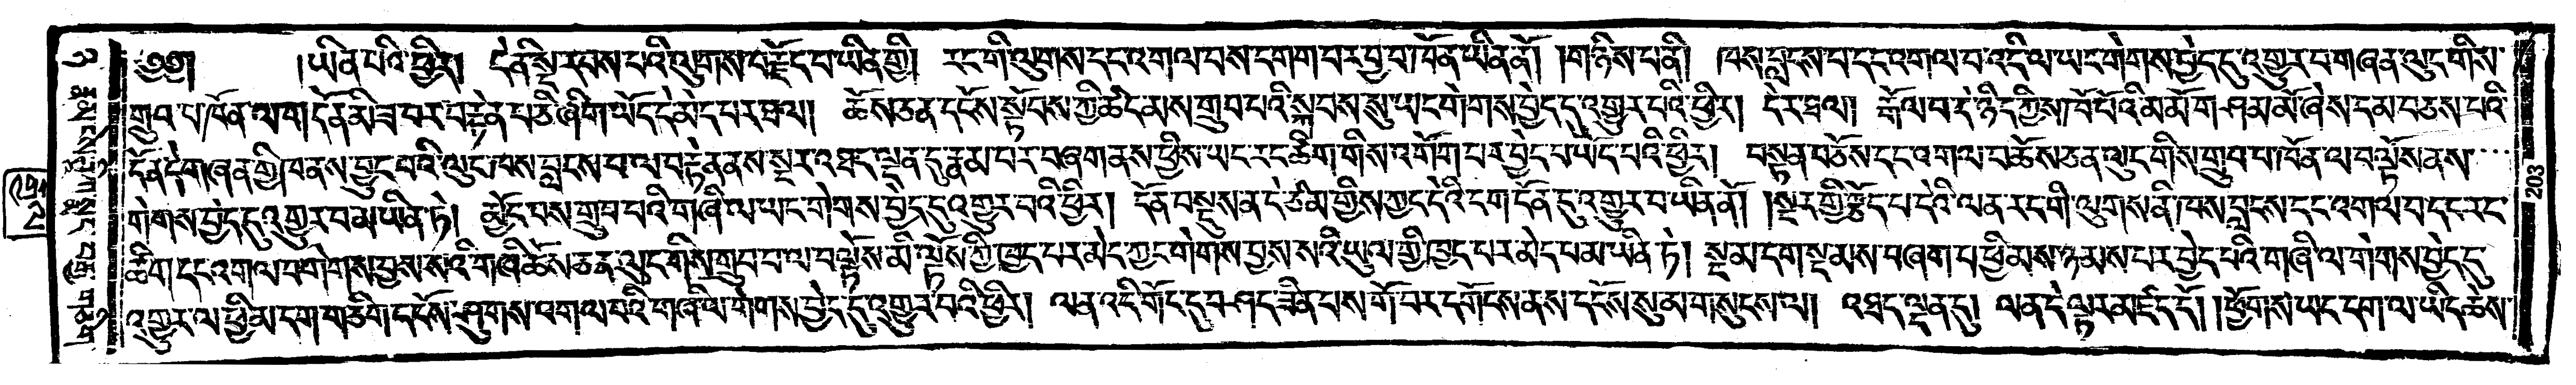༄༅། །ཡིན་པའི་ཕྱིར། དེ་ནི་སྔ་རབས་པའི་ལུགས་བརྗོད་པ་ཡིན་གྱི། རང་གི་ལུགས་དང་འགལ་བས་དགག་པར་བྱ་བ་ཁོ་ན་ཡིན་ནོ། །གཉིས་པ་ནི། ཁས་བླངས་བ་དང་འགལ་བ་འདི་ལ་ཡང་གེགས་བྱེད་དུ་འགྱུར་བ་གཞན་ལུང་གིས་
གྲུབ་པ་ཁོ་ན་ལ་གདོན་མི་ཟ་བར་བརྟེན་པ་ཅི་ཞིག་ཡོད་དེ་མེད་པར་ཐལ། ཆོས་ཅན་དངོས་སྟོབས་ཀྱི་ཚད་མས་གྲུབ་པའི་སྐབས་སུ་ཡང་གེགས་བྱེད་དུ་འགྱུར་པའི་ཕྱིར། དེར་ཐལ། རྒོལ་བ་དེ་ཉིད་ཀྱིས་ཁོ་པོའི་མ་མོ་གཤམ་མོ་ཞེས་དམ་བཅས་པའི་
དོན་དེ་གཞན་གྱི་ཁ་ནས་བྱུང་བའི་ལུང་ཁས་བླངས་བ་ལ་བརྟེན་ནས་སྔར་འཐད་ལྡན་དུ་རྣམ་བར་བཞག་ནས་ཕྱིས་ཡང་རང་ཚིག་གིས་འགོག་པར་བྱེད་པ་ཡོད་པའི་ཕྱིར། བསྟན་བཅོས་དང་འགལ་བ་ཆོས་ཅན་ལུང་གིས་གྲུབ་པ་ཁོ་ན་ལ་བལྟོས་ནས་
གེགས་བྱེད་དུ་འགྱུར་བ་མ་ཡིན་ཏེ། མྱོང་བས་གྲུབ་པའི་གཞི་ལ་ཡང་གེགས་བྱེད་དུ་འགྱུར་བའི་ཕྱིར། དོན་བསྡུས་ན་དེ་ཙམ་གྱིས་ཀྱང་དེའི་ངག་དོན་དུ་འགྱུར་བ་ཡིན་ནོ། །སྔར་གྱི་རྩོད་པ་དེའི་ལན་རང་གི་ལུགས་ནི་ཁས་བླངས་དང་འགལ་བ་དང་རང་
ཚིག་དང་འགལ་བ་གེགས་བྱས་སའི་གཞི་ཆོས་ཅན་ལུང་གིས་གྲུབ་བ་ལ་བལྟོས་མི་ལྟོས་ཀྱི་ཁྱད་པར་མེད་ཀྱང་གེགས་བྱས་སའི་ཡུལ་གྱི་ཁྱད་པར་མེད་པ་མ་ཡིན་ཏེ། སྔ་མ་དག་སྔ་མས་བཞག་པ་ཕྱི་མས་ཉམས་པར་བྱེད་པའི་གཞི་ལ་གེགས་བྱེད་དུ་
འགྱུར་ལ་ཕྱི་མ་དག་གཅིག་དངོས་ཤུགས་འགལ་བའི་གཞི་ལ་གེགས་བྱེད་དུ་འགྱུར་བའི་ཕྱིར། ལན་འདི་གོང་དུ་བཤད་ཟིན་པས་གོ་བར་དགོངས་ནས་དངོས་སུ་མ་གསུངས་ལ། འཐད་ལྡན་དུ། ལན་དེ་ལྟར་མཛད་དོ། །ཕྱོགས་ཡང་དག་ལ་ཡིད་ཆེས་